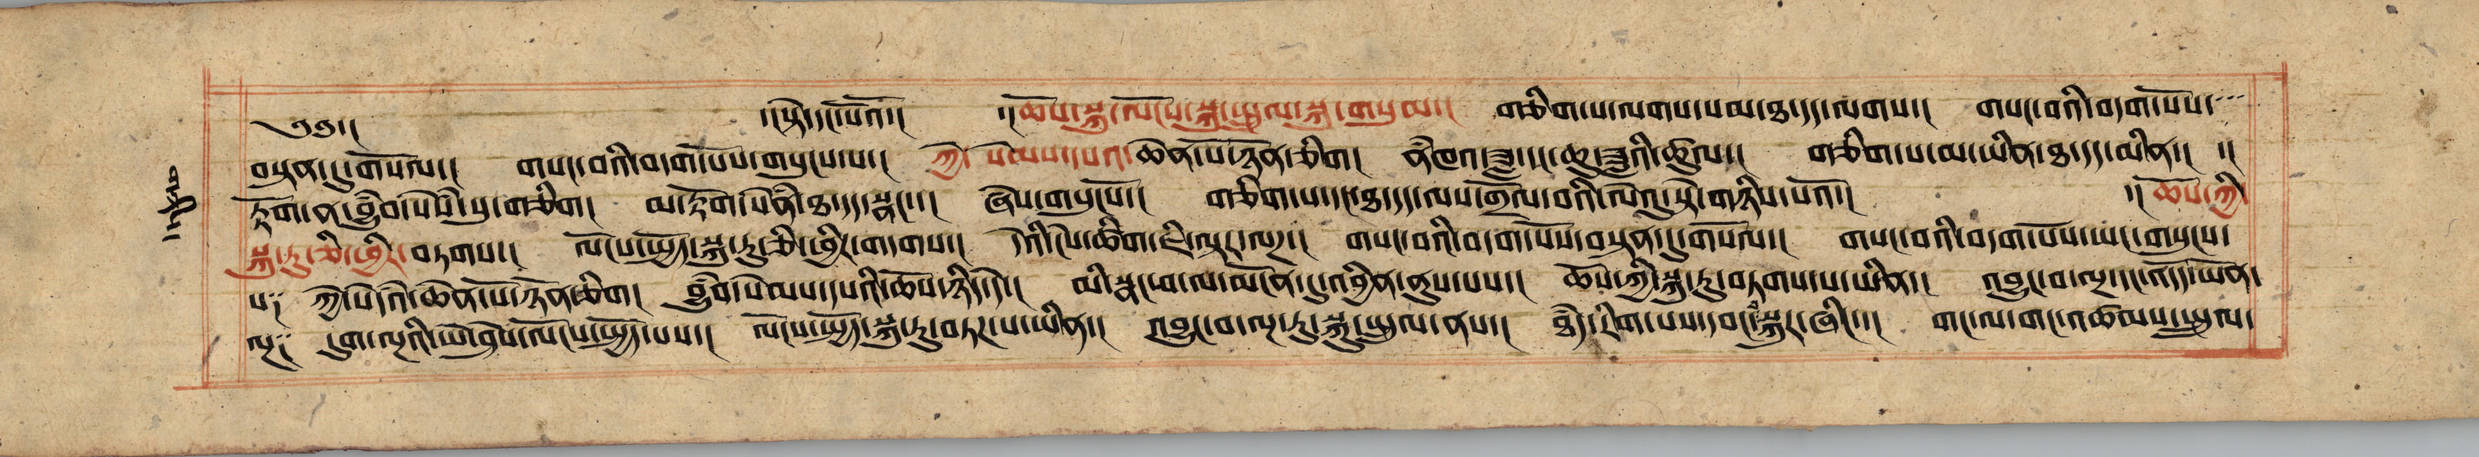༄༅་། ་།སྟེ་དང་པོའོ་། ་།ཆོས་སྐུ་ལོངས་སྐུ་སྤྲུལ་སྐུ་གསུམ་། གཅིག་པ་ལགས་སམ་ཐ་དད་ལགས་། གསང་བའི་བདག་པོས་
བསྟན་དུ་གསོལ་། གསང་བའི་བདག་པོས་གསུངས་པ་། ཀྱེ་ སེམས་དཔའ་ཆེན་པོ་ཉོན་ཅིག། ནཾཁའ་ཟླ་དང་ཆུ་ཟླའི་ཚུལ་། གཅིག་པ་མ་ཡིན་ཐ་དད་མིན་།
རྟོག་ན་བྱུཾབ་སེཾས་སུ་གཅིག། མ་རྟོག་སེཾན་ཐ་དད་སྣང་་། ཞེས་གསུངསོ་། གཅིག་པ་དང་ཐ་དད་ལས་གྲོལ་བའི་ལེའུ་སྟེ་གཉིས་པའོ་། ་།ཆོས་ཀྱི་
སྐུ་རུ་ཅི་ཕྱིར་བཏགས་། ལོངས་སྤྱོད་སྐུ་རུ་ཅི་ཕྱིར་གདགས་། དེའི་ངེས་ཚིག་ཇི་ལྟར་ལཌ་། གསང་བའི་བདག་པོས་བསྟན་དུ་གསོལ་། གསང་བའི་བདག་པོས་ཡང་གསུངས་
པ༑ ཀྱེ་སེདཾའ་ཆེན་པོ་ཉོན་ཅིག། བྱུཾབ་སེམས་དཔའི་ཆོས་ཉིད་དེ་། མི་སྣང་བ་ལ་མངོན་དུ་འབྱིན་ནུས་པས་། ཆོས་ཀྱི་སྐུ་རུ་བཏགས་པ་ཡིན་། འབྱུང་བ་ལྔ་དང་འདོད་ཡོན་
ལྔ༑ དུག་ལྔའི་ཡེ་ཤེས་ལོངས་སྤྱོད་པས་། ལོངས་སྤྱོད་སྐུ་རུ་བཏཌ་པ་ཡིན་། འབྱུང་བ་ལྔ་རུ་སྐུ་སྤྲུལ་ནས་། ཐཾད་རིག་པས་དབང་སྐུར་ཞིང་་། གང་ལ་གང་འཚམས་སྤྲུལ་